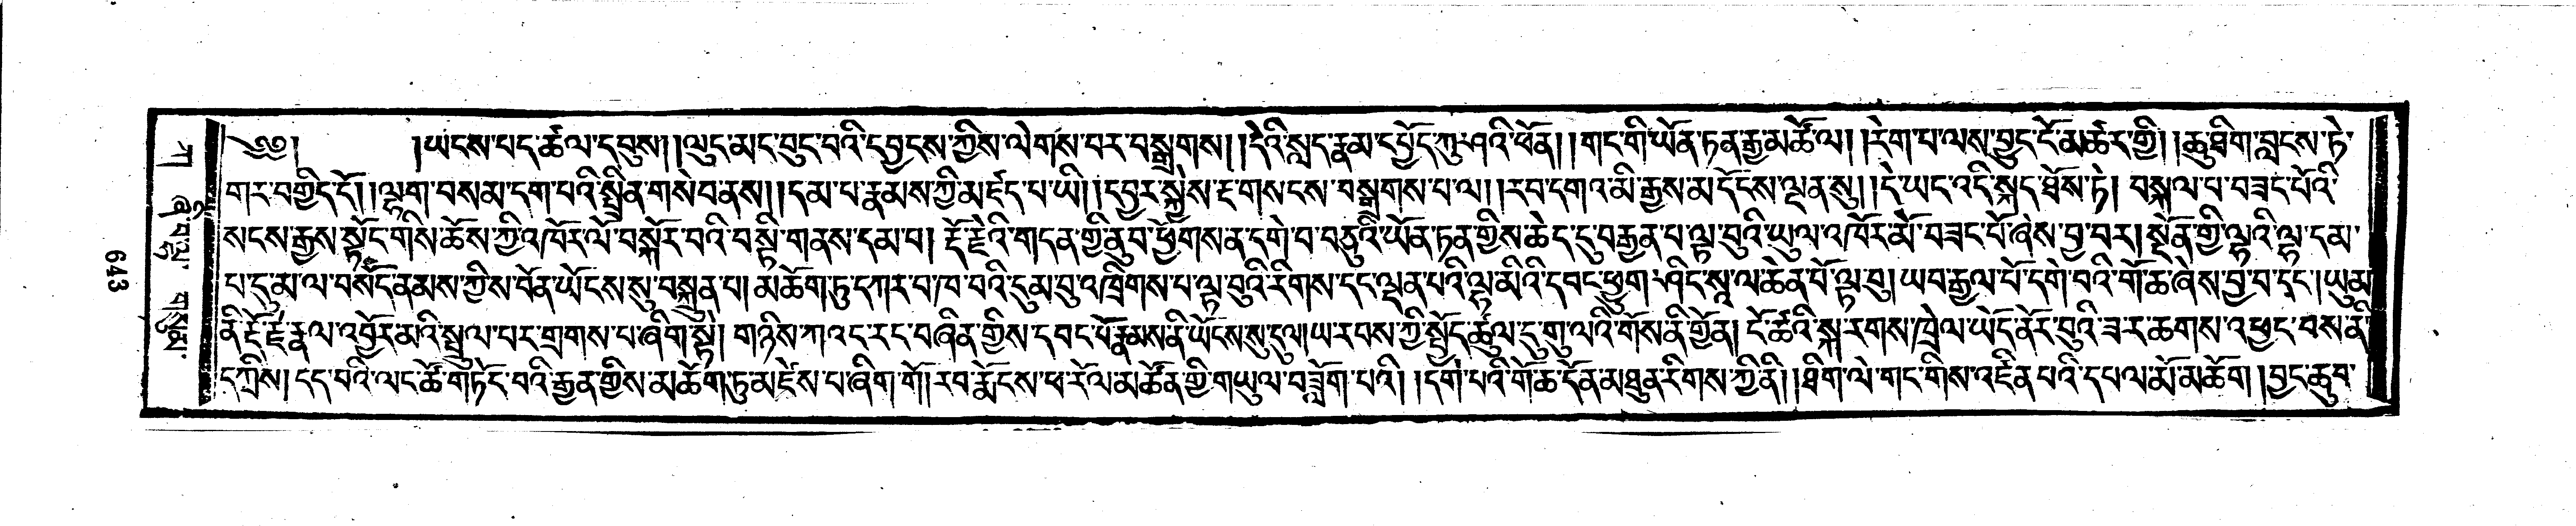༄༅། །ཡངས་པད་ཚལ་དབུས། །ལུང་མང་བུང་བའི་དབྱངས་ཀྱིས་ལེགས་པར་བསྒྲགས། །དེའི་སླད་རྣམ་དཔྱོད་ཀུ་ཤའི་ཕོན། །གང་གི་ཡོན་ཏན་རྒྱ་མཚོ་ལ། །རིག་པ་ལས་བྱུང་ངོ་མཚར་གྱི། །ཆུ་ཐིག་བླངས་ཏེ་
གར་བགྱིད་དོ། །ལྷག་བསམ་དག་པའི་སྤྲིན་གསེབ་ནས། །དམ་པ་རྣམས་ཀྱི་མཛད་པ་ཡི། །དབྱར་སྐྱེས་རྔ་གསངས་བསྒྲགས་པ་ལ། །རབ་དགའ་མི་རྒྱས་མདོངས་ལྡན་སུ། །དེ་ཡང་འདི་སྐད་ཐོས་ཏེ། བསྐལ་པ་བཟང་པོའི་
སངས་རྒྱས་སྟོང་གིས་ཆོས་ཀྱི་འཁོར་ལོ་བསྐོར་བའི་བསྟི་གནས་དམ་པ། རྡོ་རྗེའི་གདན་གྱི་ནུབ་ཕྱོགས་ན་དགེ་བ་བཅུའི་ཡོན་ཏན་གྱིས་ཆེད་དུ་བརྒྱན་པ་ལྟ་བུའི་ཡུལ་འཁོར་མོ་བཟང་པོ་ཞེས་བྱ་བར། སྔོན་གྱི་ལྷའི་ལྷ་དམ་
པ་དུ་མ་ལ་བསོད་ནམས་ཀྱི་ས་བོན་ཡོངས་སུ་བསྐྲུན་པ། མཆོག་ཏུ་དཀར་བ་ཁ་བའི་དུམ་བུ་འཁྲིགས་པ་ལྟ་བུའི་རིགས་དང་ལྡན་པའི་ལྷ་མིའི་དབང་ཕྱུག་ཤིང་སཱ་ལ་ཆེན་པོ་ལྟ་བུ། ཡབ་རྒྱལ་པོ་དགེ་བའི་གོ་ཆ་ཞེས་བྱ་བ་དང་། ཡུམ་
ནི་རྡོ་རྗེ་རྣལ་འབྱོར་མའི་སྤྲུལ་པར་གྲགས་པ་ཞིག་སྟེ། གཉིས་ཀའང་རང་བཞིན་གྱིས་དབང་པོ་རྣམས་ནི་ཡོངས་སུ་དུལ། ཡ་རབས་ཀྱི་སྤྱོད་ཚུལ་དུ་གུ་ལའི་གོས་ནི་གྱོན། ངོ་ཚའི་སྐ་རགས་ཁྲེལ་ཡོད་ནོར་བུའི་ཟ་ར་ཚགས་འཕྱང་བས་ནི་
དཀྲིས། །དད་པའི་ལང་ཚོ་གཏོང་བའི་རྒྱན་གྱིས་མཆོག་ཏུ་མཛེས་པ་ཞིག་གོ །རབ་རྨོངས་ཕ་རོལ་མཚོན་གྱི་གཡུལ་བཟློག་པའི། །དགེ་བའི་གོ་ཆ་དོན་མཐུན་རིགས་ཀྱི་ནི། །ཐིག་ལེ་གང་གིས་འཛིན་པའི་དཔལ་མོ་མཆོག །བྱང་ཆུབ་